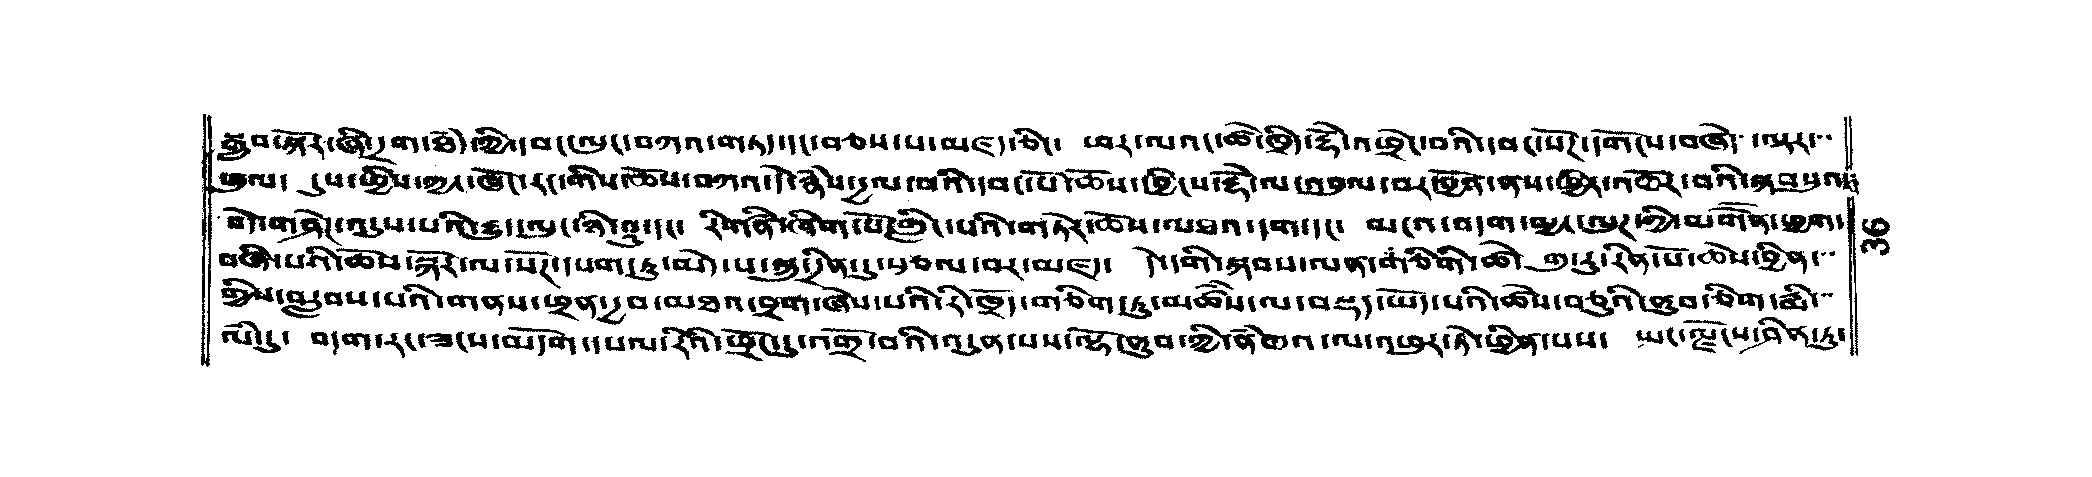སྒྲུབ་སྐོར་ཞི་དྲག་ཐམས་ཅད་ཀྱི་དབང་ལུང་བཀའ་གཏད་དང་བཅས་པ་མཛད་ཅིང་། ཕར་ལའང་ཚེ་ཁྲིད་རྡོ་རྗེ་འཕྲེང་བའི་དབང་སོགས་དགོངས་བཞེད་ལྟར་
ཕུལ། དུས་ཕྱིས་ཀྱང་ཁོང་རང་གིས་ཆོས་བཀའ་དེ་རྣམས་རྒྱལ་བའི་དབང་པོ་ཆོས་དབྱིངས་རྡོ་རྗེ་ལ་འབུལ་བར་བྱོན་ནས་ཕྱིར་འཁོར་བའི་སྐབས་སུའང་
བདེ་གཤེགས་འདུས་པའི་རྒྱུད་ལུང་ཉི་ཤུ་དང་།རིག་འཛིན་ཞིག་པོ་གླིང་པའི་གཏེར་ཆོས་མཐའ་དག་དང་། མངའ་བདག་མྱང་ལུགས་ཀྱི་མགོན་པོ་ཕྱག་
བཞི་པའི་ཆོས་སྐོར་ལ་སོགས་དཔག་ཏུ་མེད་པ་སྐུ་དྲིན་དུ་སྩོལ་བར་མཛད། དེ་དག་གི་སྐབས་ལན་གཅིག་གི་ཚེ། གུ་རུ་རིན་པོ་ཆེས་བྱིན་
གྱིས་བརླབས་པའི་གནས་ཕྲན་རྒྱབ་མཐའ་བྲག་ཞེས་པའི་རི་ཁྲོད་གཅིག་ཏུ་མཚམས་ལ་བསྡད་ཡོད་པའི་ཚེས་བཅུའི་ནུབ་རྨི་
ལམ་དུ། བདག་རང་ཟངས་མདོག་དཔལ་རིའི་ཕོ་བྲང་དུ་འགྲོ་བའི་འདུན་པས་ལྷོ་ནུབ་ཀྱི་ནམ་མཁའ་ལ་འཕུར་ཏེ་ཕྱིན་པས། སྤང་ལྗོངས་ཤིན་ཏུ་